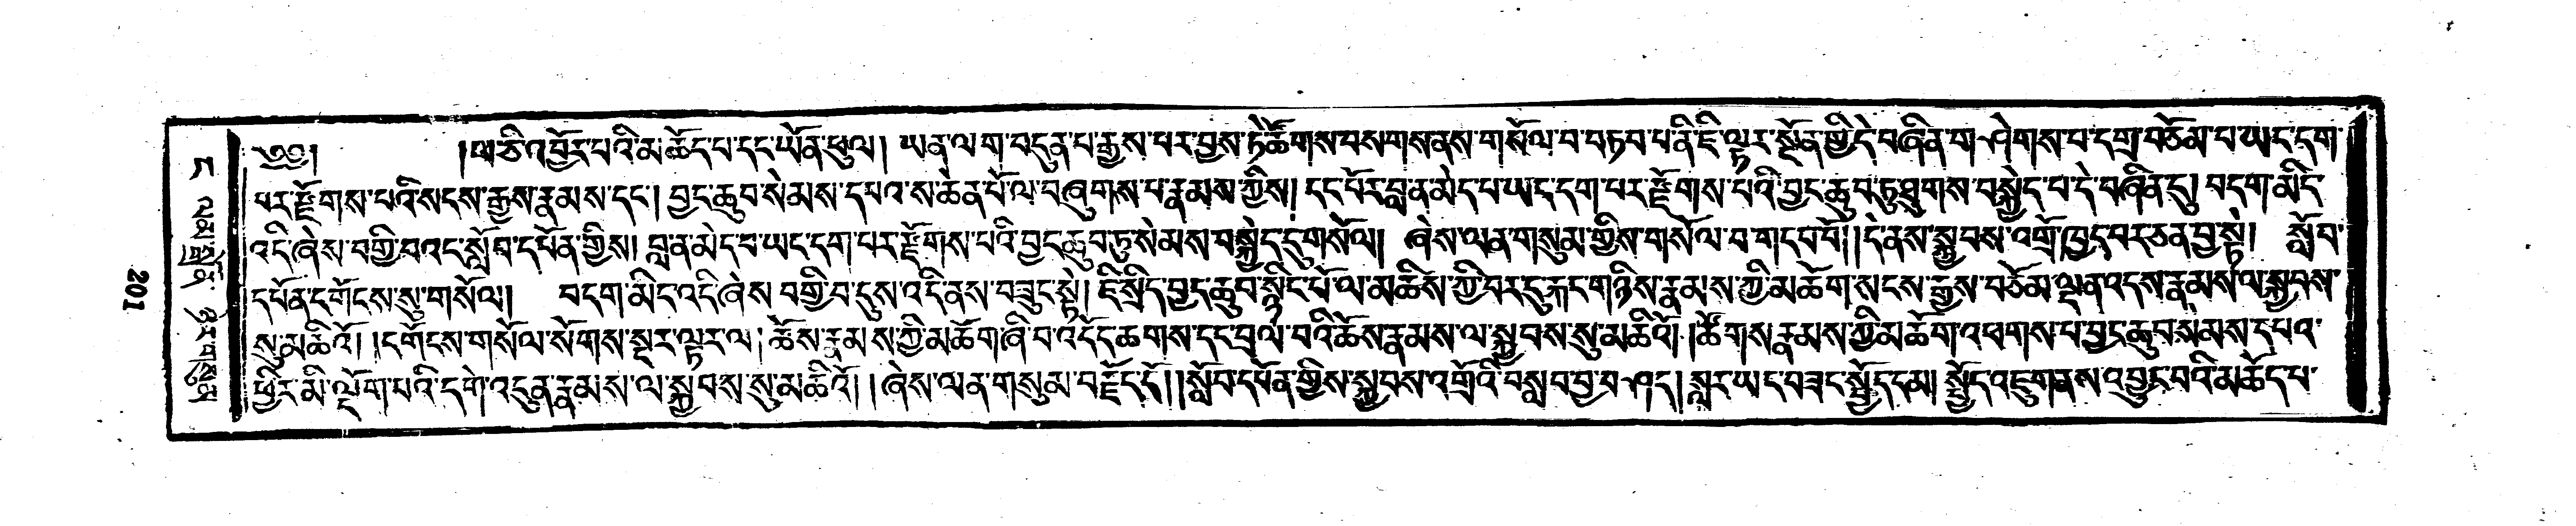༄༅། །ལ་ཅི་འབྱོར་བའི་མཆོད་པ་དང་ཡོན་ཕུལ། ཡན་ལག་བདུན་པ་རྒྱས་པར་བྱས་ཏེ་ཚོགས་བསགས་ནས་གསོལ་བ་བཏབ་པ་ནི་ཇི་ལྟར་སྔོན་གྱི་དེ་བཞིན་གཤེགས་པ་དགྲ་བཅོམ་པ་ཡང་དག་
པར་རྫོགས་པའི་སངས་རྒྱས་རྣམས་དང་། བྱང་ཆུབ་སེམས་དཔའ་ས་ཆེན་པོ་ལ་བཞུགས་པ་རྣམས་ཀྱིས། དང་པོར་བླ་ན་མེད་པ་ཡང་དག་པར་རྫོགས་པའི་བྱང་ཆུབ་ཏུ་ཐུགས་བསྐྱེད་པ་དེ་བཞིན་དུ། བདག་མིང་
འདི་ཞེས་བགྱི་པའང་སློབ་དཔོན་གྱིས། བླ་ན་མེད་པ་ཡང་དག་པར་རྫོགས་པའི་བྱང་ཆུབ་ཏུ་སེམས་བསྐྱེད་དུ་གསོལ། ཞེས་ལན་གསུམ་གྱིས་གསོལ་བ་གདབ་བོ། །དེ་ནས་སྐྱབས་འགྲོ་ཁྱད་པར་ཅན་བྱ་སྟེ། སློབ་
དཔོན་དགོངས་སུ་གསོལ། བདག་མིང་འདི་ཞེས་བགྱི་བ་དུས་འདི་ནས་བཟུང་སྟེ། ཇི་སྲིད་བྱང་ཆུབ་སྙིང་པོ་ལ་མཆིས་ཀྱི་བར་དུ་རྐང་གཉིས་རྣམས་ཀྱི་མཆོག་སངས་རྒྱས་བཅོམ་ལྡན་འདས་རྣམས་ལ་སྐྱབས་
སུ་མཆིའོ། །དགོངས་གསོལ་སོགས་སྔར་ལྟར་ལ། ཆོས་རྣམས་ཀྱི་མཆོག་ཞི་བ་འདོད་ཆགས་དང་བྲལ་བའི་ཆོས་རྣམས་ལ་སྐྱབས་སུ་མཆིའོ། །ཚོགས་རྣམས་ཀྱི་མཆོག་འཕགས་པ་བྱང་ཆུབ་སེམས་དཔའ་
ཕྱིར་མི་ལྡོག་པའི་དགེ་འདུན་རྣམས་ལ་སྐྱབས་སུ་མཆིའོ། །ཞེས་ལན་གསུམ་བརྗོད་དོ། །སློབ་དཔོན་གྱིས་སྐྱབས་འགྲོའི་བསླབ་བྱ་བཤད། སླར་ཡང་བཟང་སྤྱོད་དམ། སྤྱོད་འཇུག་ནས་འབྱུང་བའི་མཆོད་པ་